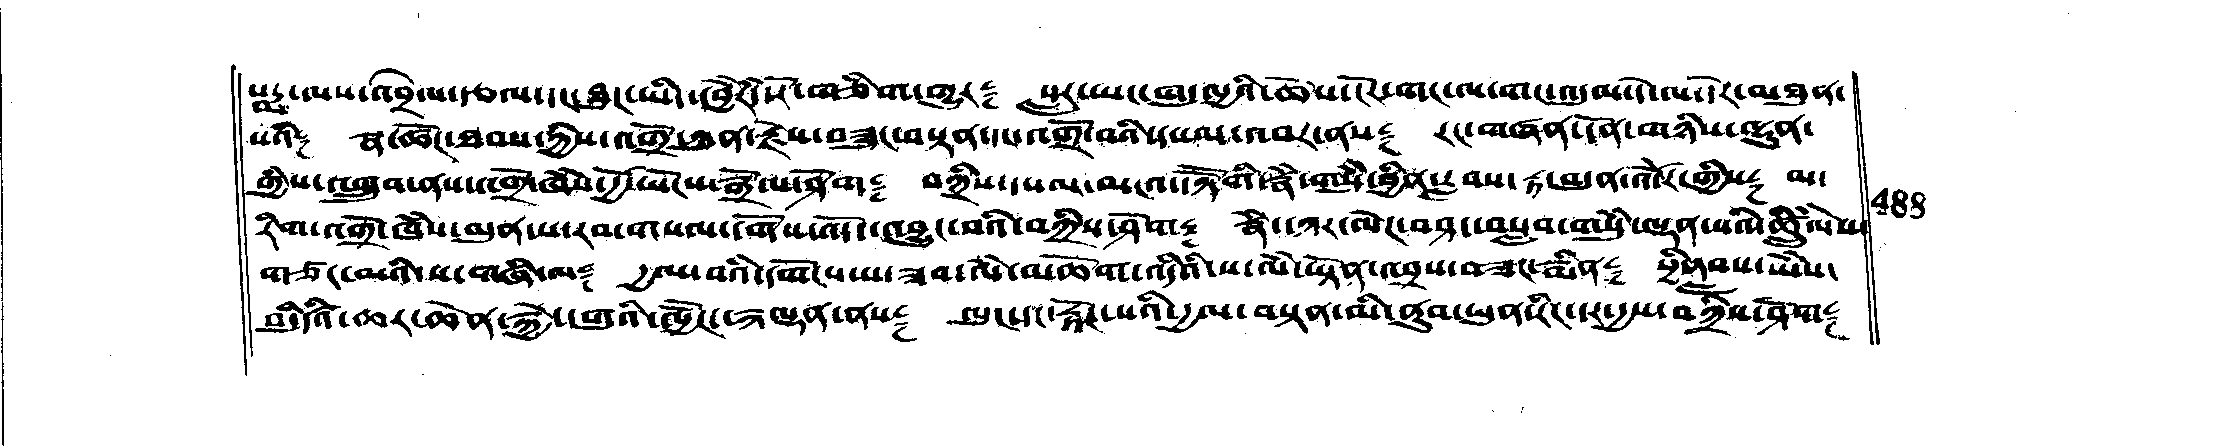པདྨ་ལས་འབྲེལ་རྩལ་དང་ཐུགས་ཡིད་དབྱེར་མེད་རོ་གཅིག་གྱུར། །སླར་ཡང་གདུལ་བྱའི་མོས་ངོར་གང་ལ་གང་འདུལ་དེ་ལ་དེར་མཐུན་
པའི། །སྣ་ཚོགས་ཐབས་ཀྱིས་འགྲོ་ཀུན་རྗེས་བཟུང་བསྟན་དང་འགྲོ་བའི་དཔལ་འབར་ནས། །རང་གཞན་དོན་གཉིས་ལྷུན་
གྱིས་འགྲུབ་ནས་འགྲོ་ཁམས་རྒྱ་མཚོ་ཡོངས་སྒྲོལ་ཤོག།བཀྲ་ཤིས་དཔལ་མངའ་དཀོན་མཆོག་རྣམ་གསུམ་བྱིན་རླབས་རྟ་བདུན་འོད་ཟེར་གྱིས། །མ་
རིག་འགྲོ་ཁམས་མུན་པ་རབ་བསལ་དགོས་འདོད་འབྱུང་བའི་བཀྲ་ཤིས་ཤོག །རྣམ་དཀར་ལེགས་བཤད་བསླབ་གསུམ་ལྡན་པའི་ཚུལ་ཁྲིམས་
གཙང་མའི་ས་གཞི་ལ། །རྒྱལ་བའི་དགོངས་པ་ཟབ་ལམ་མཆོག་འདིའི་ས་ལམ་ཡོན་ཏན་འབྲས་བཟང་སྨིན། །བྱིན་རླབས་ཡེ་ཤེས་
བདུད་ཙིའི་ཆར་ཆེན་སྐྱེ་དགུའི་ལོངས་སྤྱོད་སྐལ་ལྡན་ནས། །ལུང་དང་རྟོགས་པའི་རྒྱལ་བསྟན་མི་ནུབ་ཡུན་རིང་དར་རྒྱས་བཀྲ་ཤིས་ཤོག